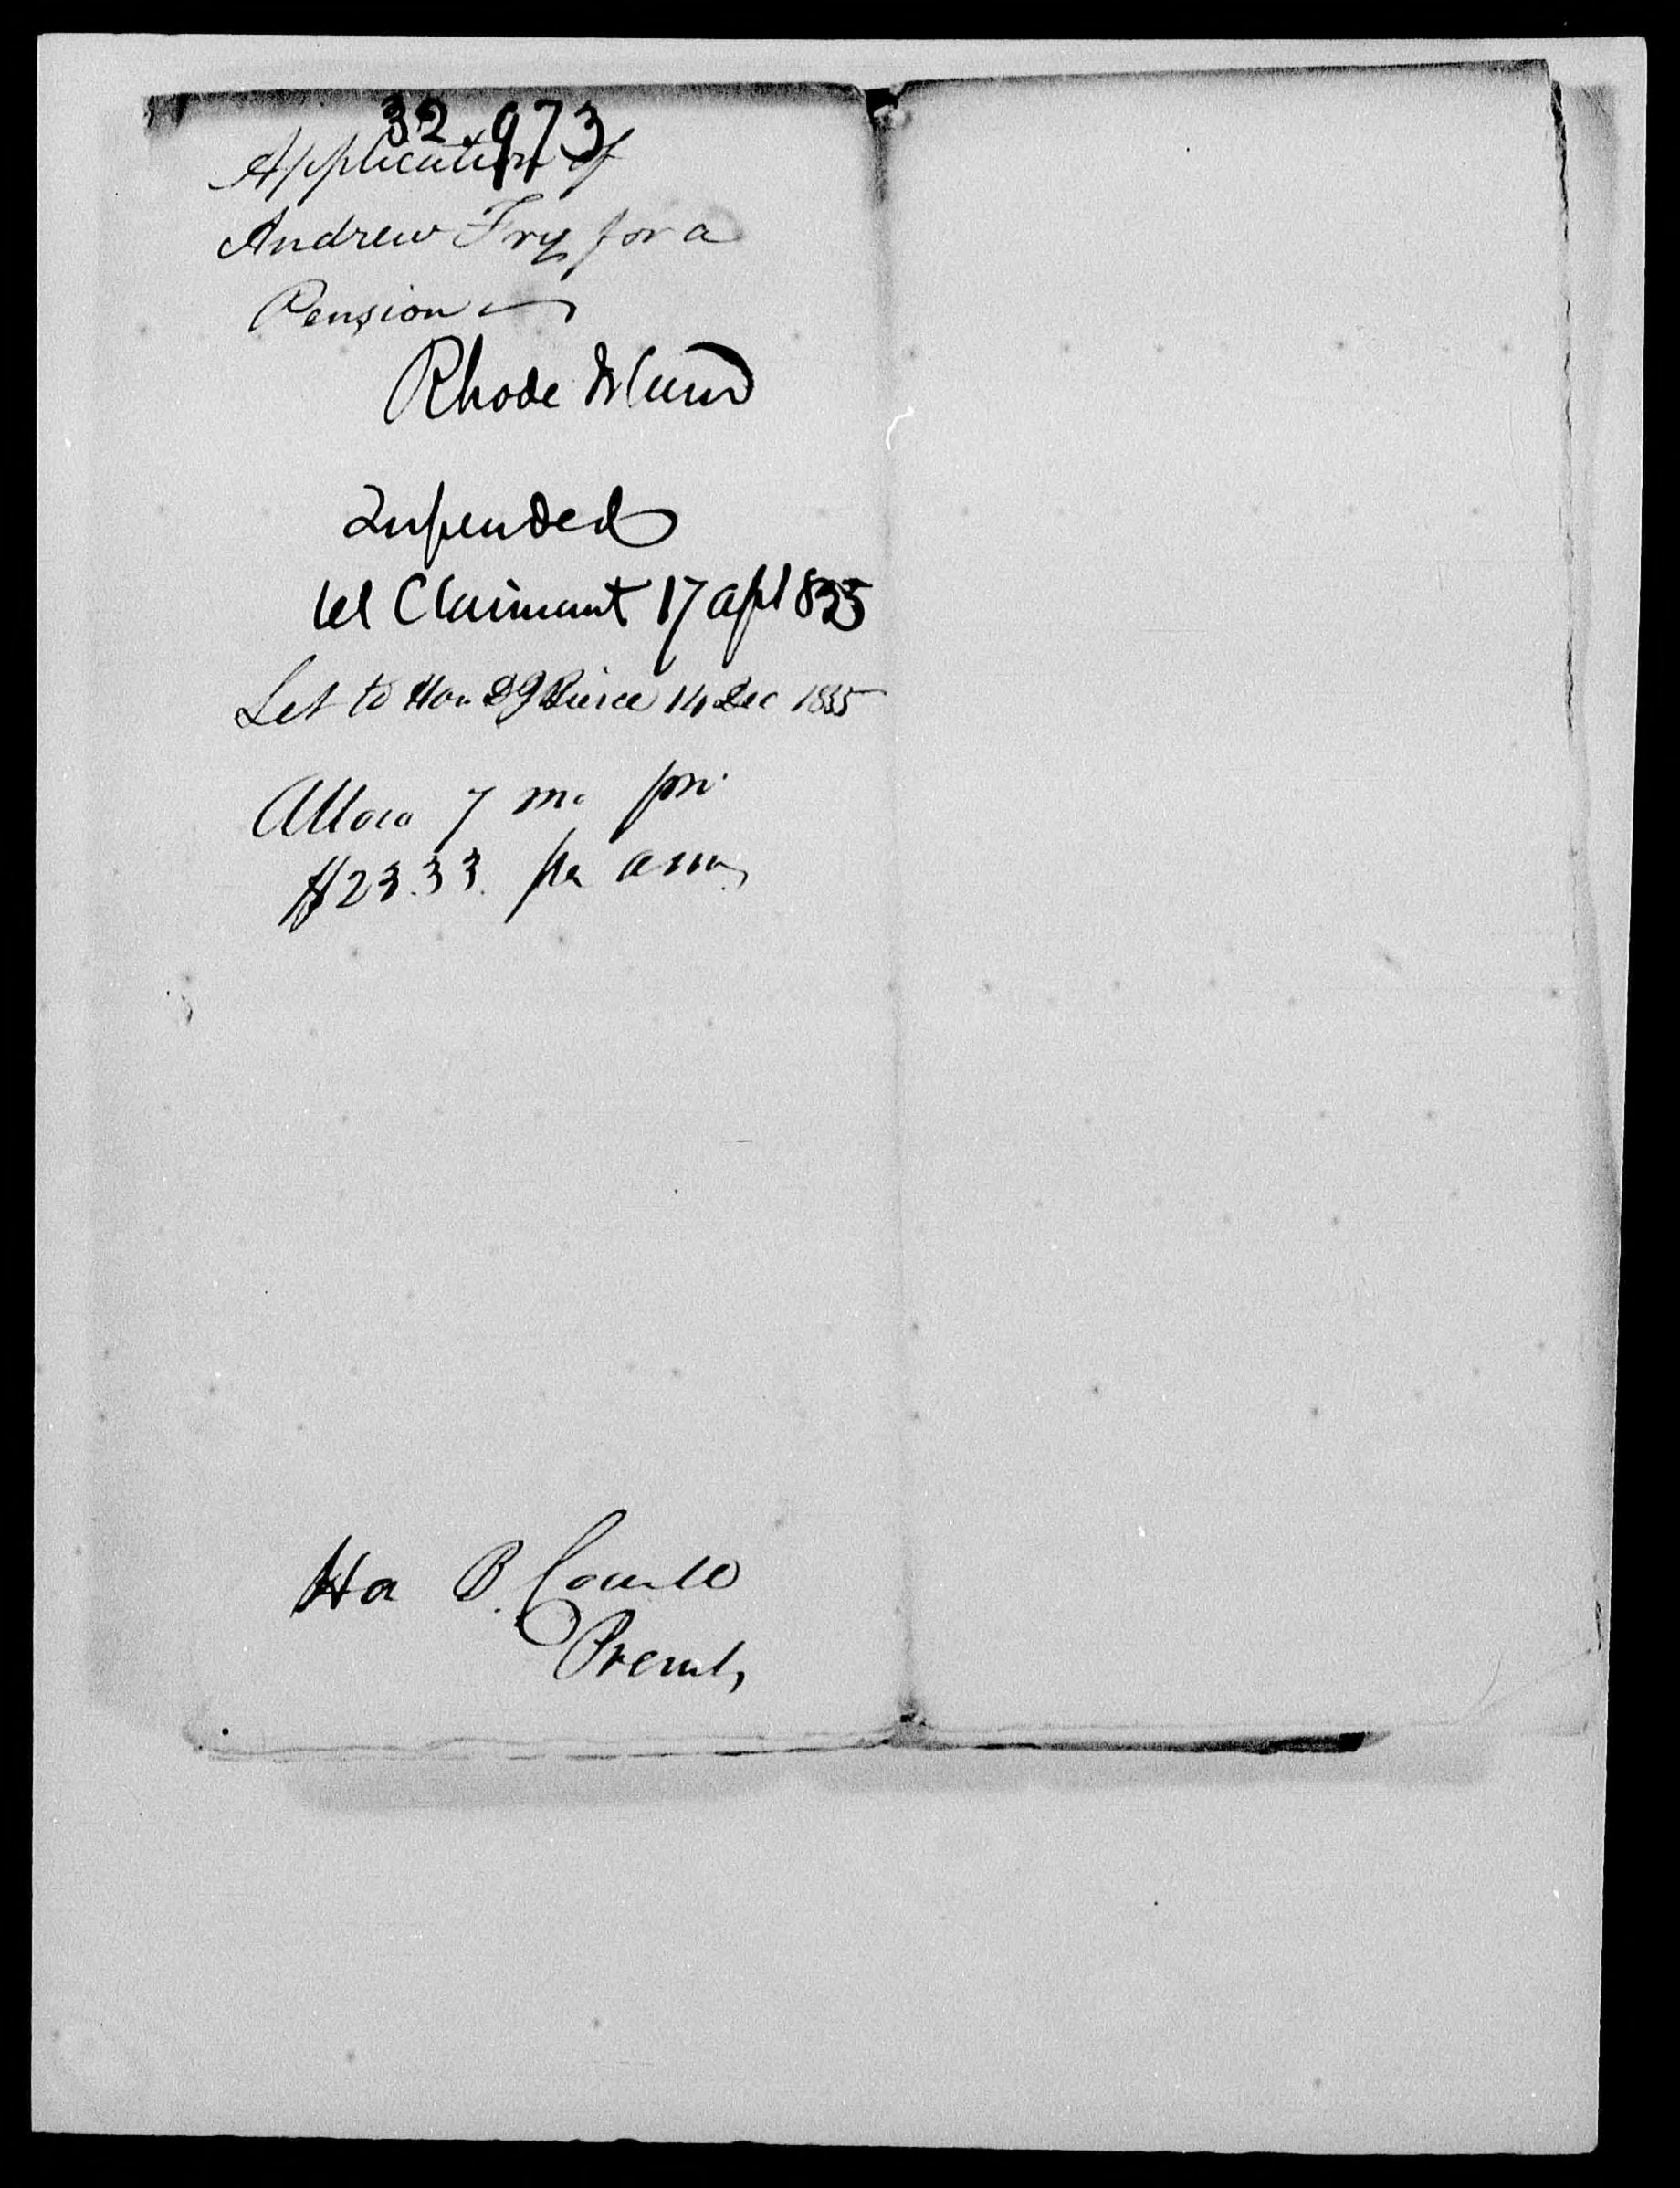32.973

Application of Andrew Fry for a 
Pension
Rhode ISland

[unintelligible]

[unintelligible] Claimant 17 Apr 1835

Set to Hon. D J Pierce 14 Dec 1835

Allow 7 mo [unitelligible]

$23.33 per annum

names: B Cowell, Andrew Fry, D J Pierce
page: 4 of 9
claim: survivor's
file: S. 21,760, Andrew Fry, R.I.